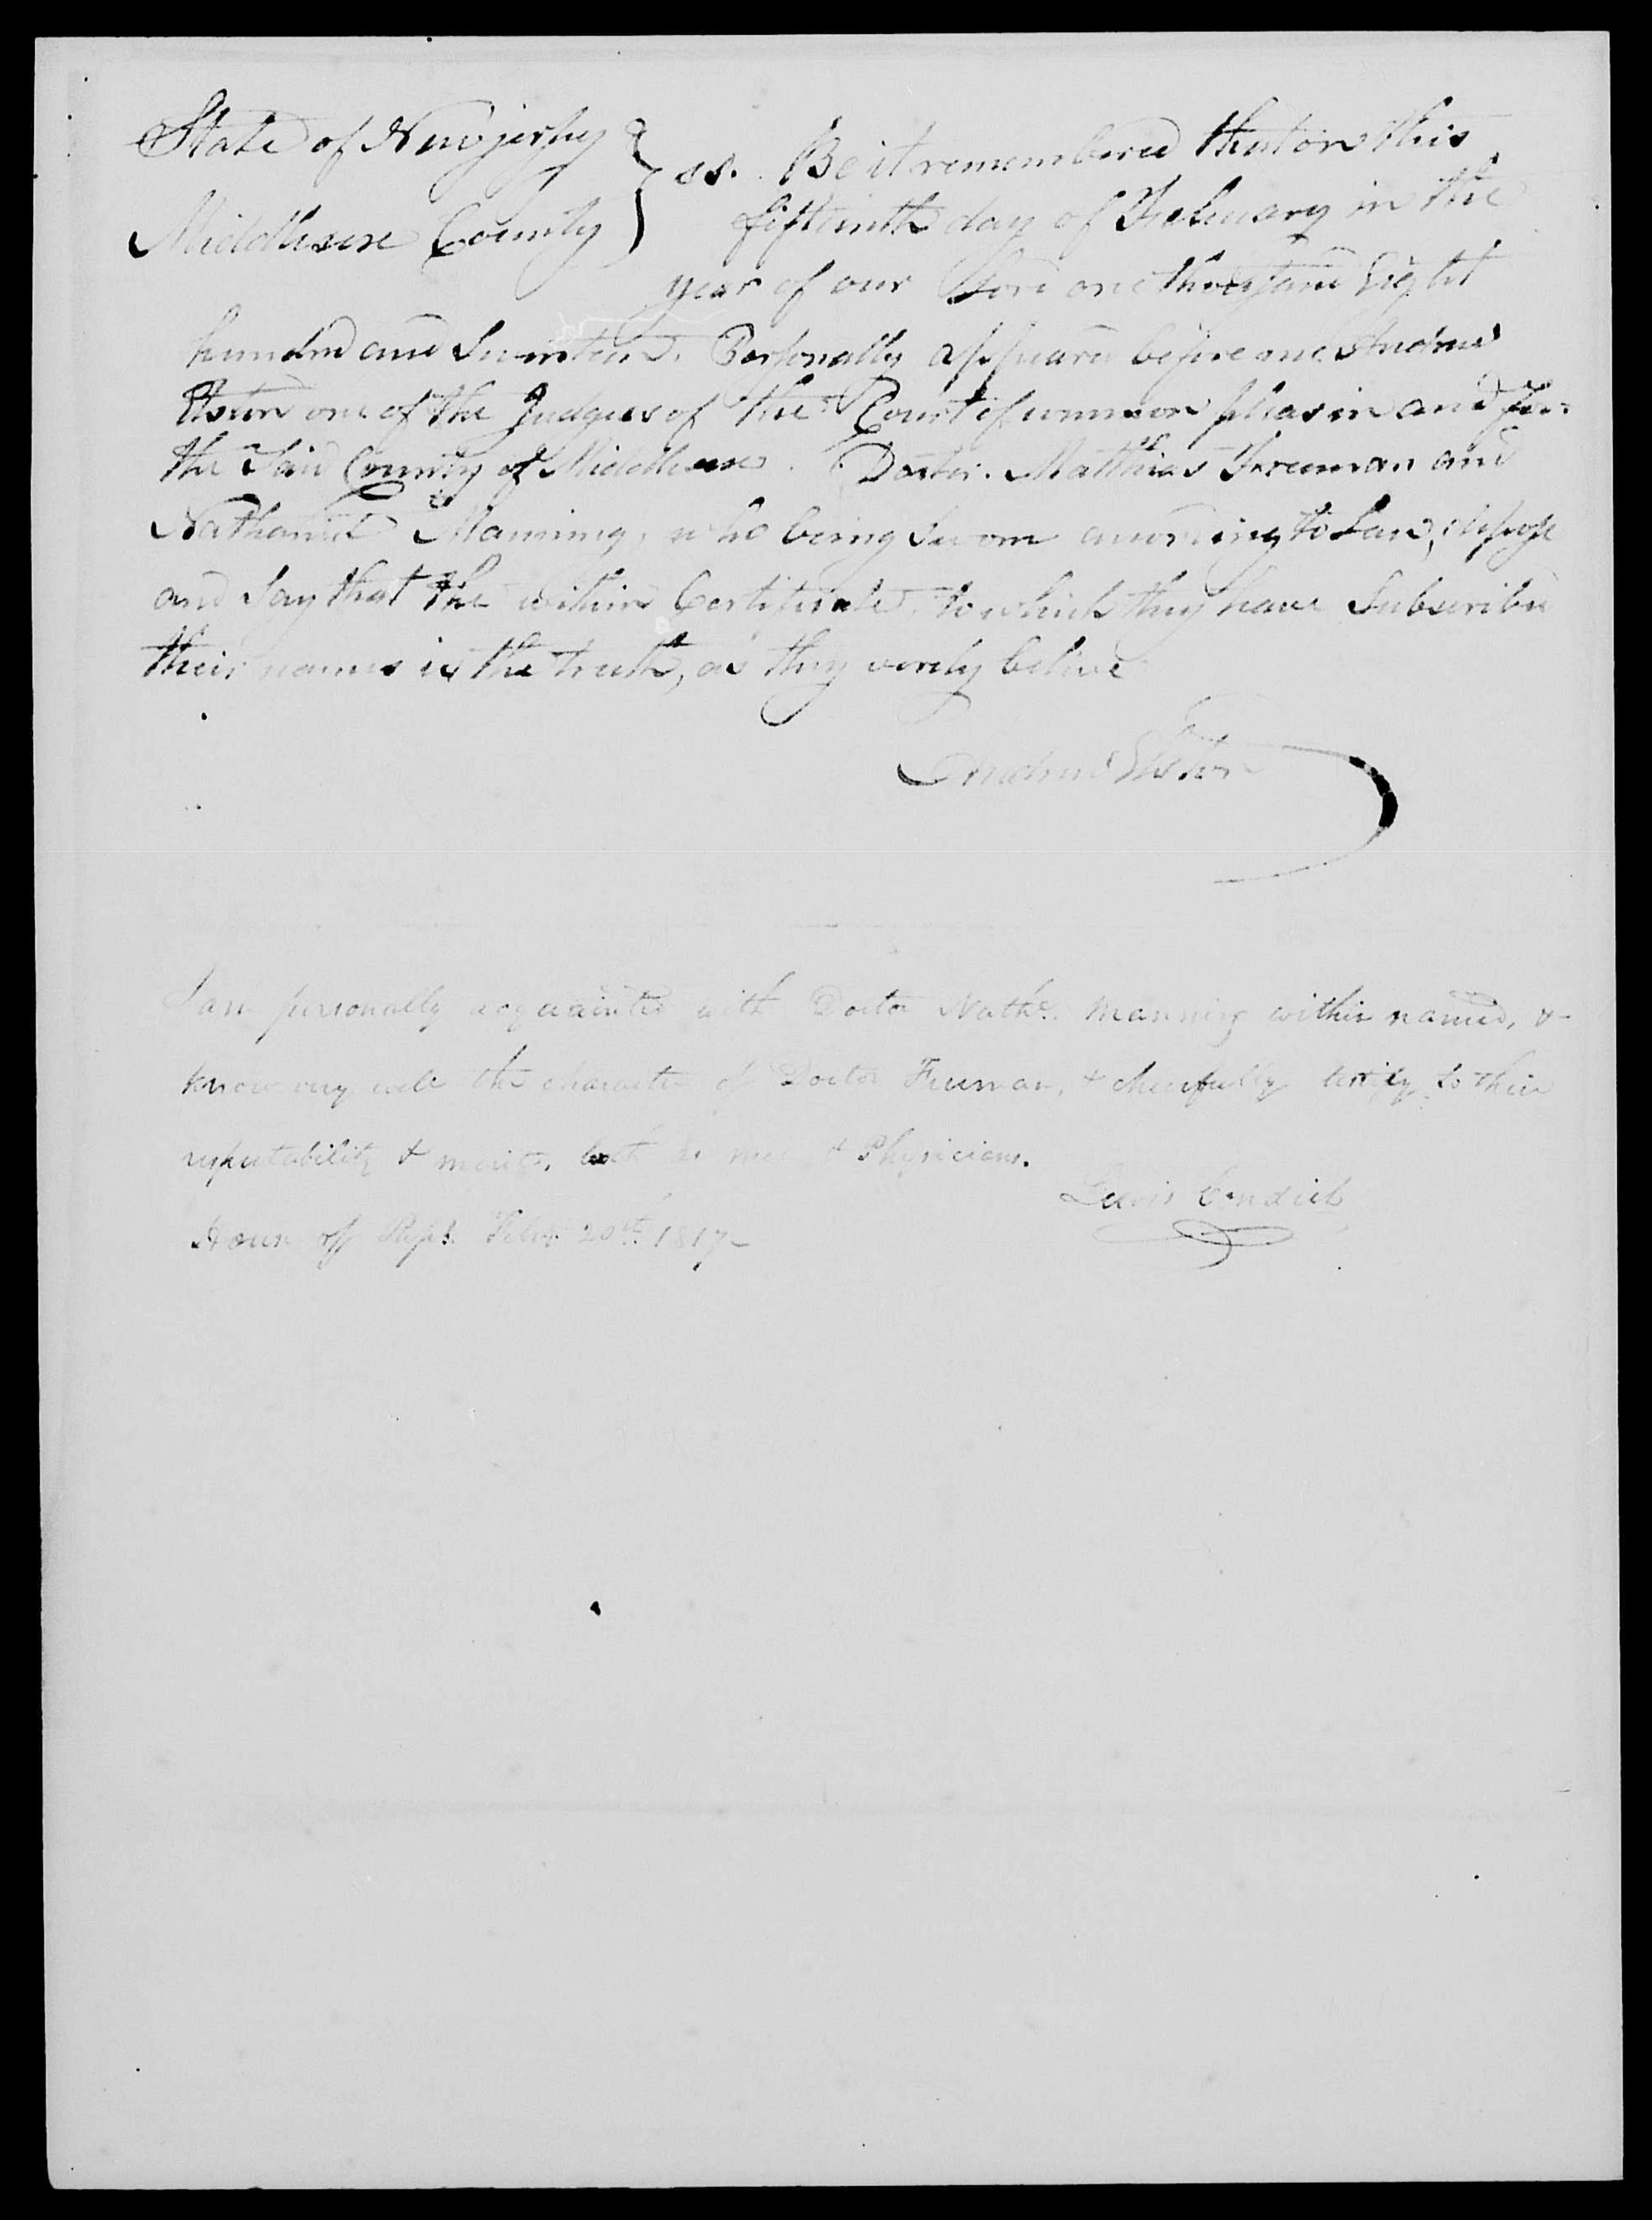State of New Jersey}
Middlesex County} ss.

Be it remembered that on this fifteenth day of February in the year of our Lord one thousand Eight hundred and Seventeen Personally appeared before me Andrew Elston one of the Judges of the Court of [illegible] pleas in and for the said County of Middlesex Doctor Matthias Freeman and Nathaniel Manning, who being sworn according to Law, depose
and say that the within Certificate to which they have subscribed their names is the truth, as they verily believe

Andrew Elston

I am personally acquainted with Doctor Nathl. Manning within named, + very well know my will the character of Doctor Freeman + cheerfully testify to their respectability + merit, but as men + Physicians.

House of Reps Feby 20th 1817-
Lewis Condict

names: Matthias Freeman, Nathl Manning, Andrew Elston, Nathaniel Manning, Andrew Elston, Lewis Condrit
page: 41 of 62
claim: survivor's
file: S. 540, James Heard, Continental - New Jersey Residence In 1818